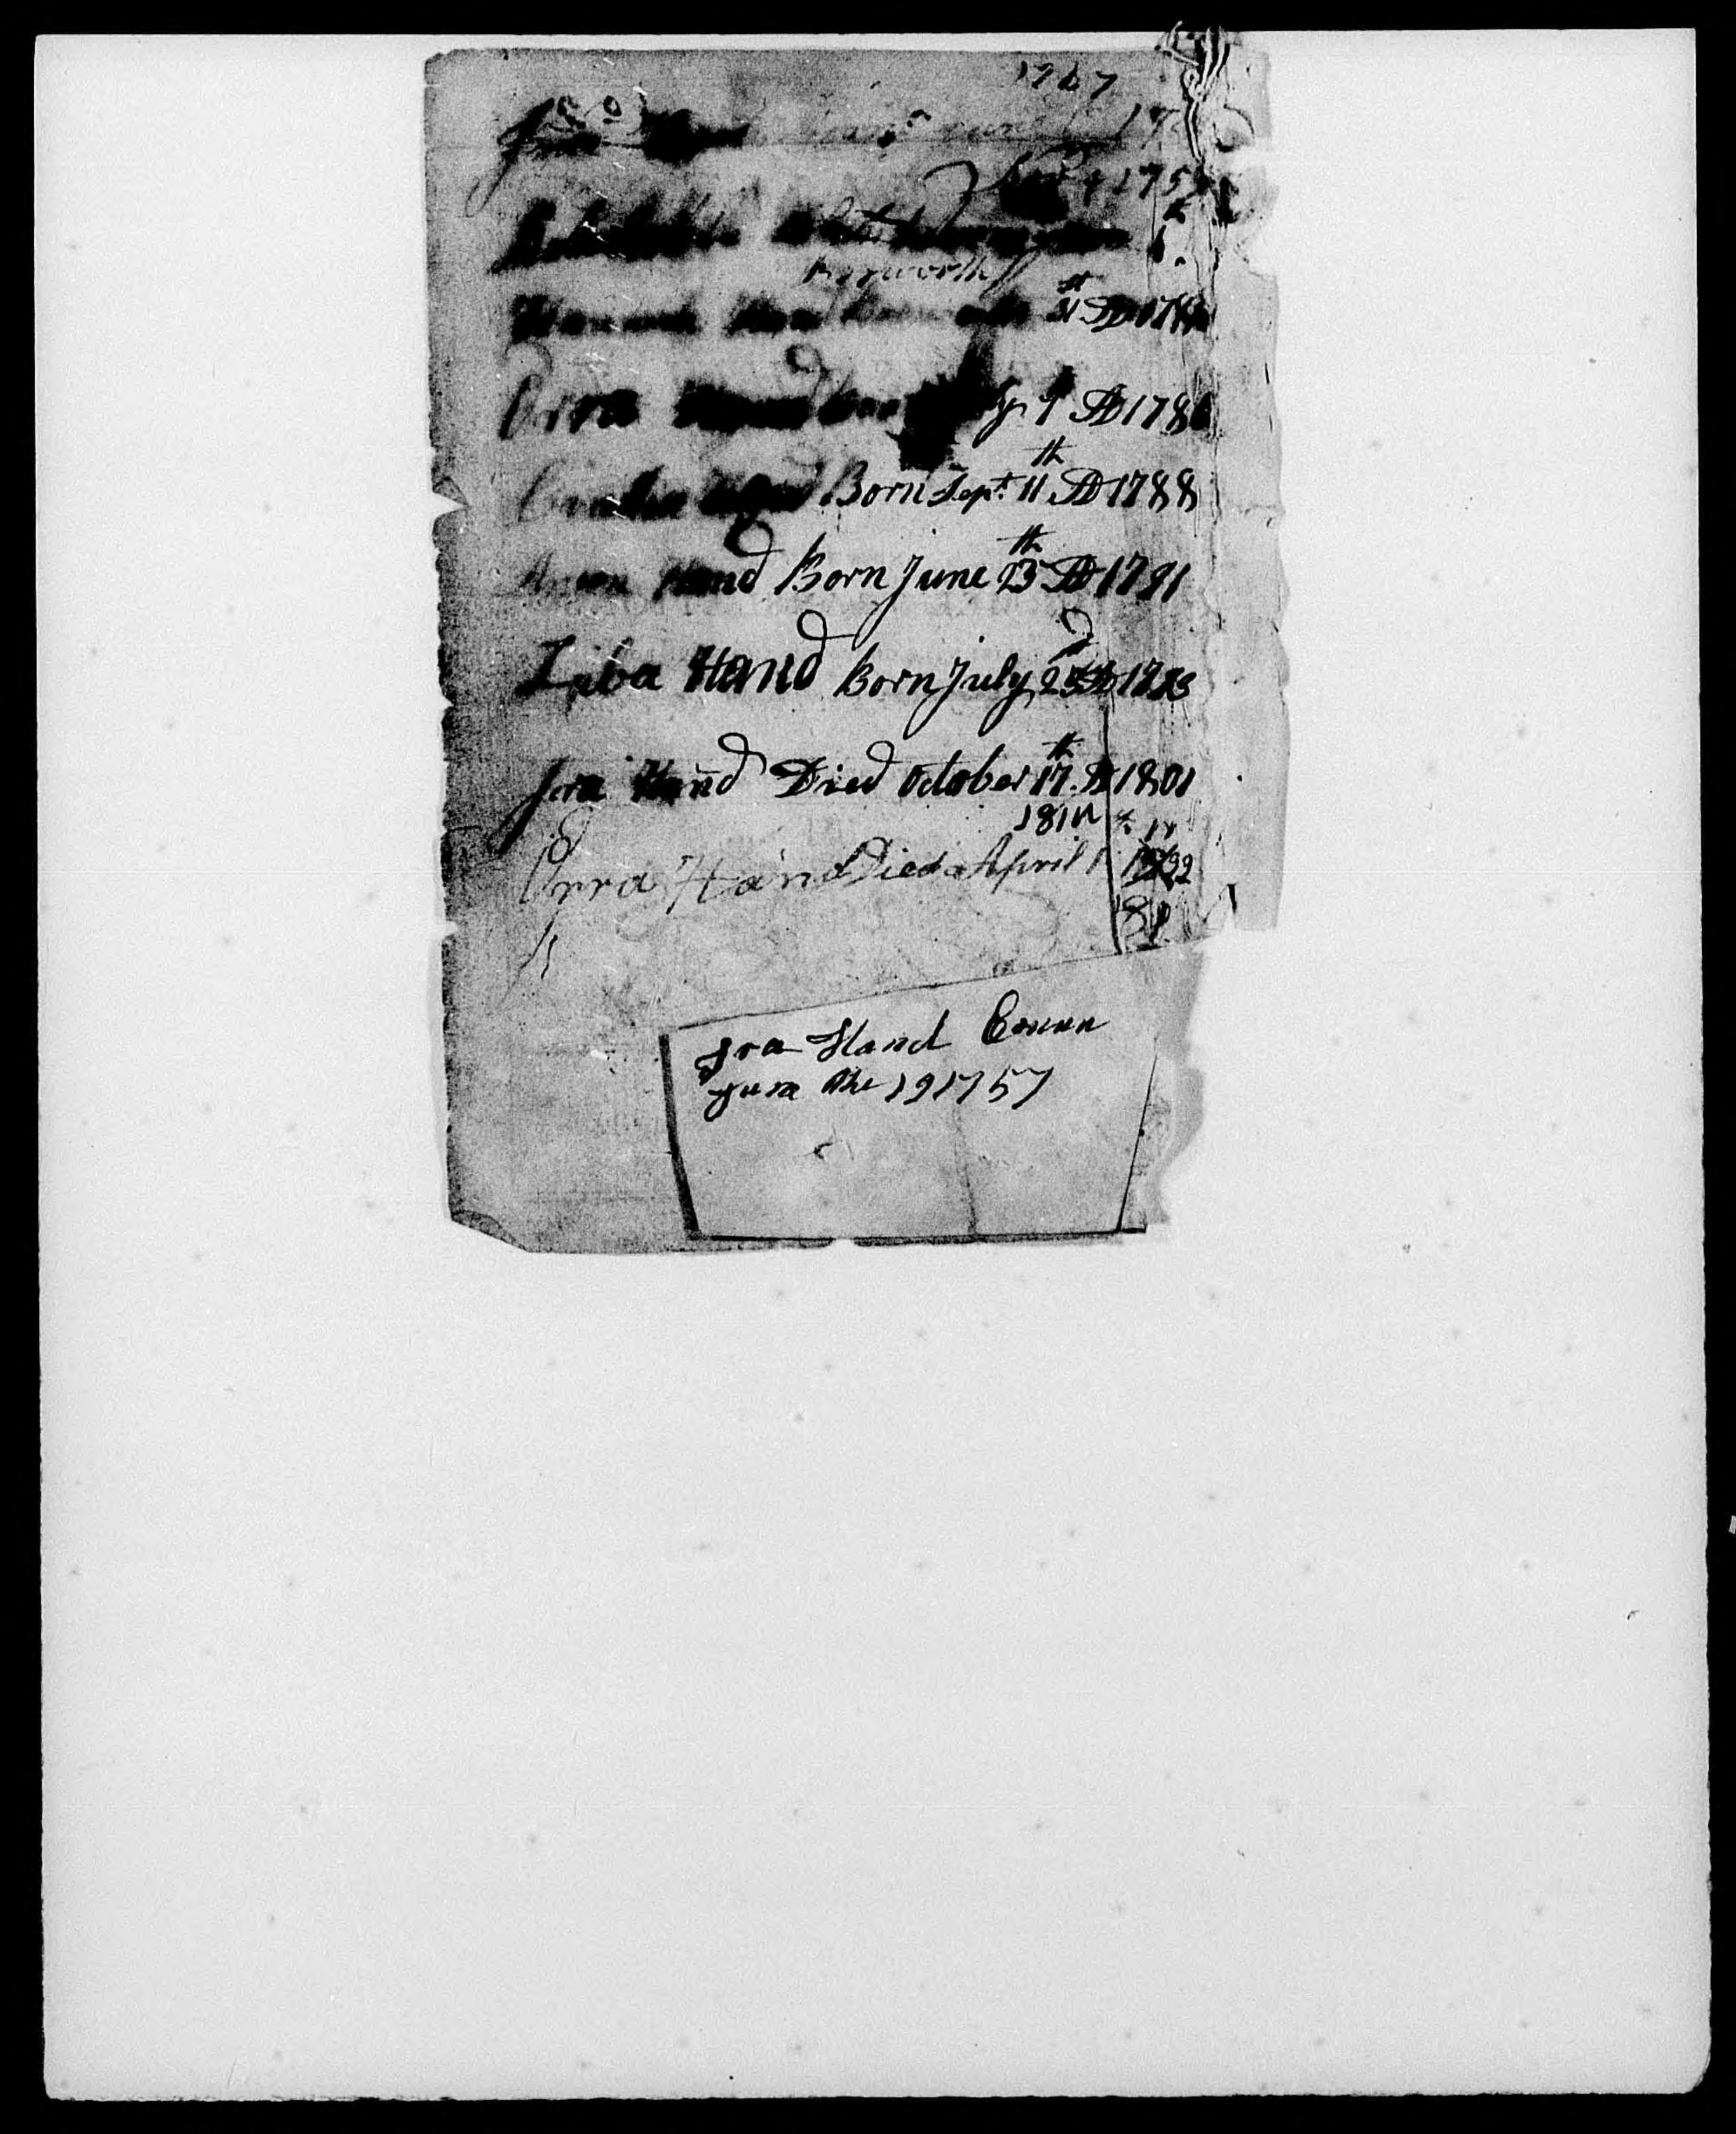1767
[]75
[]
[] AD 178[]
Born Sept 11th AD 1788
[] Born June 23th AD 1791
[] Hand Born July 25 AD 17[]
Died October 17th 1801
[] Orra Hand Died April 1 []
Ira Hand Born [] the 12  1757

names: Ira Hand, Orra Hand, Anson Hand, Orra Hand, Ziba Hand, Ira Hand, Hannah Hand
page: 11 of 42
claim: widow's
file: W. 19,722, Ira Hand, N.H. Vt.